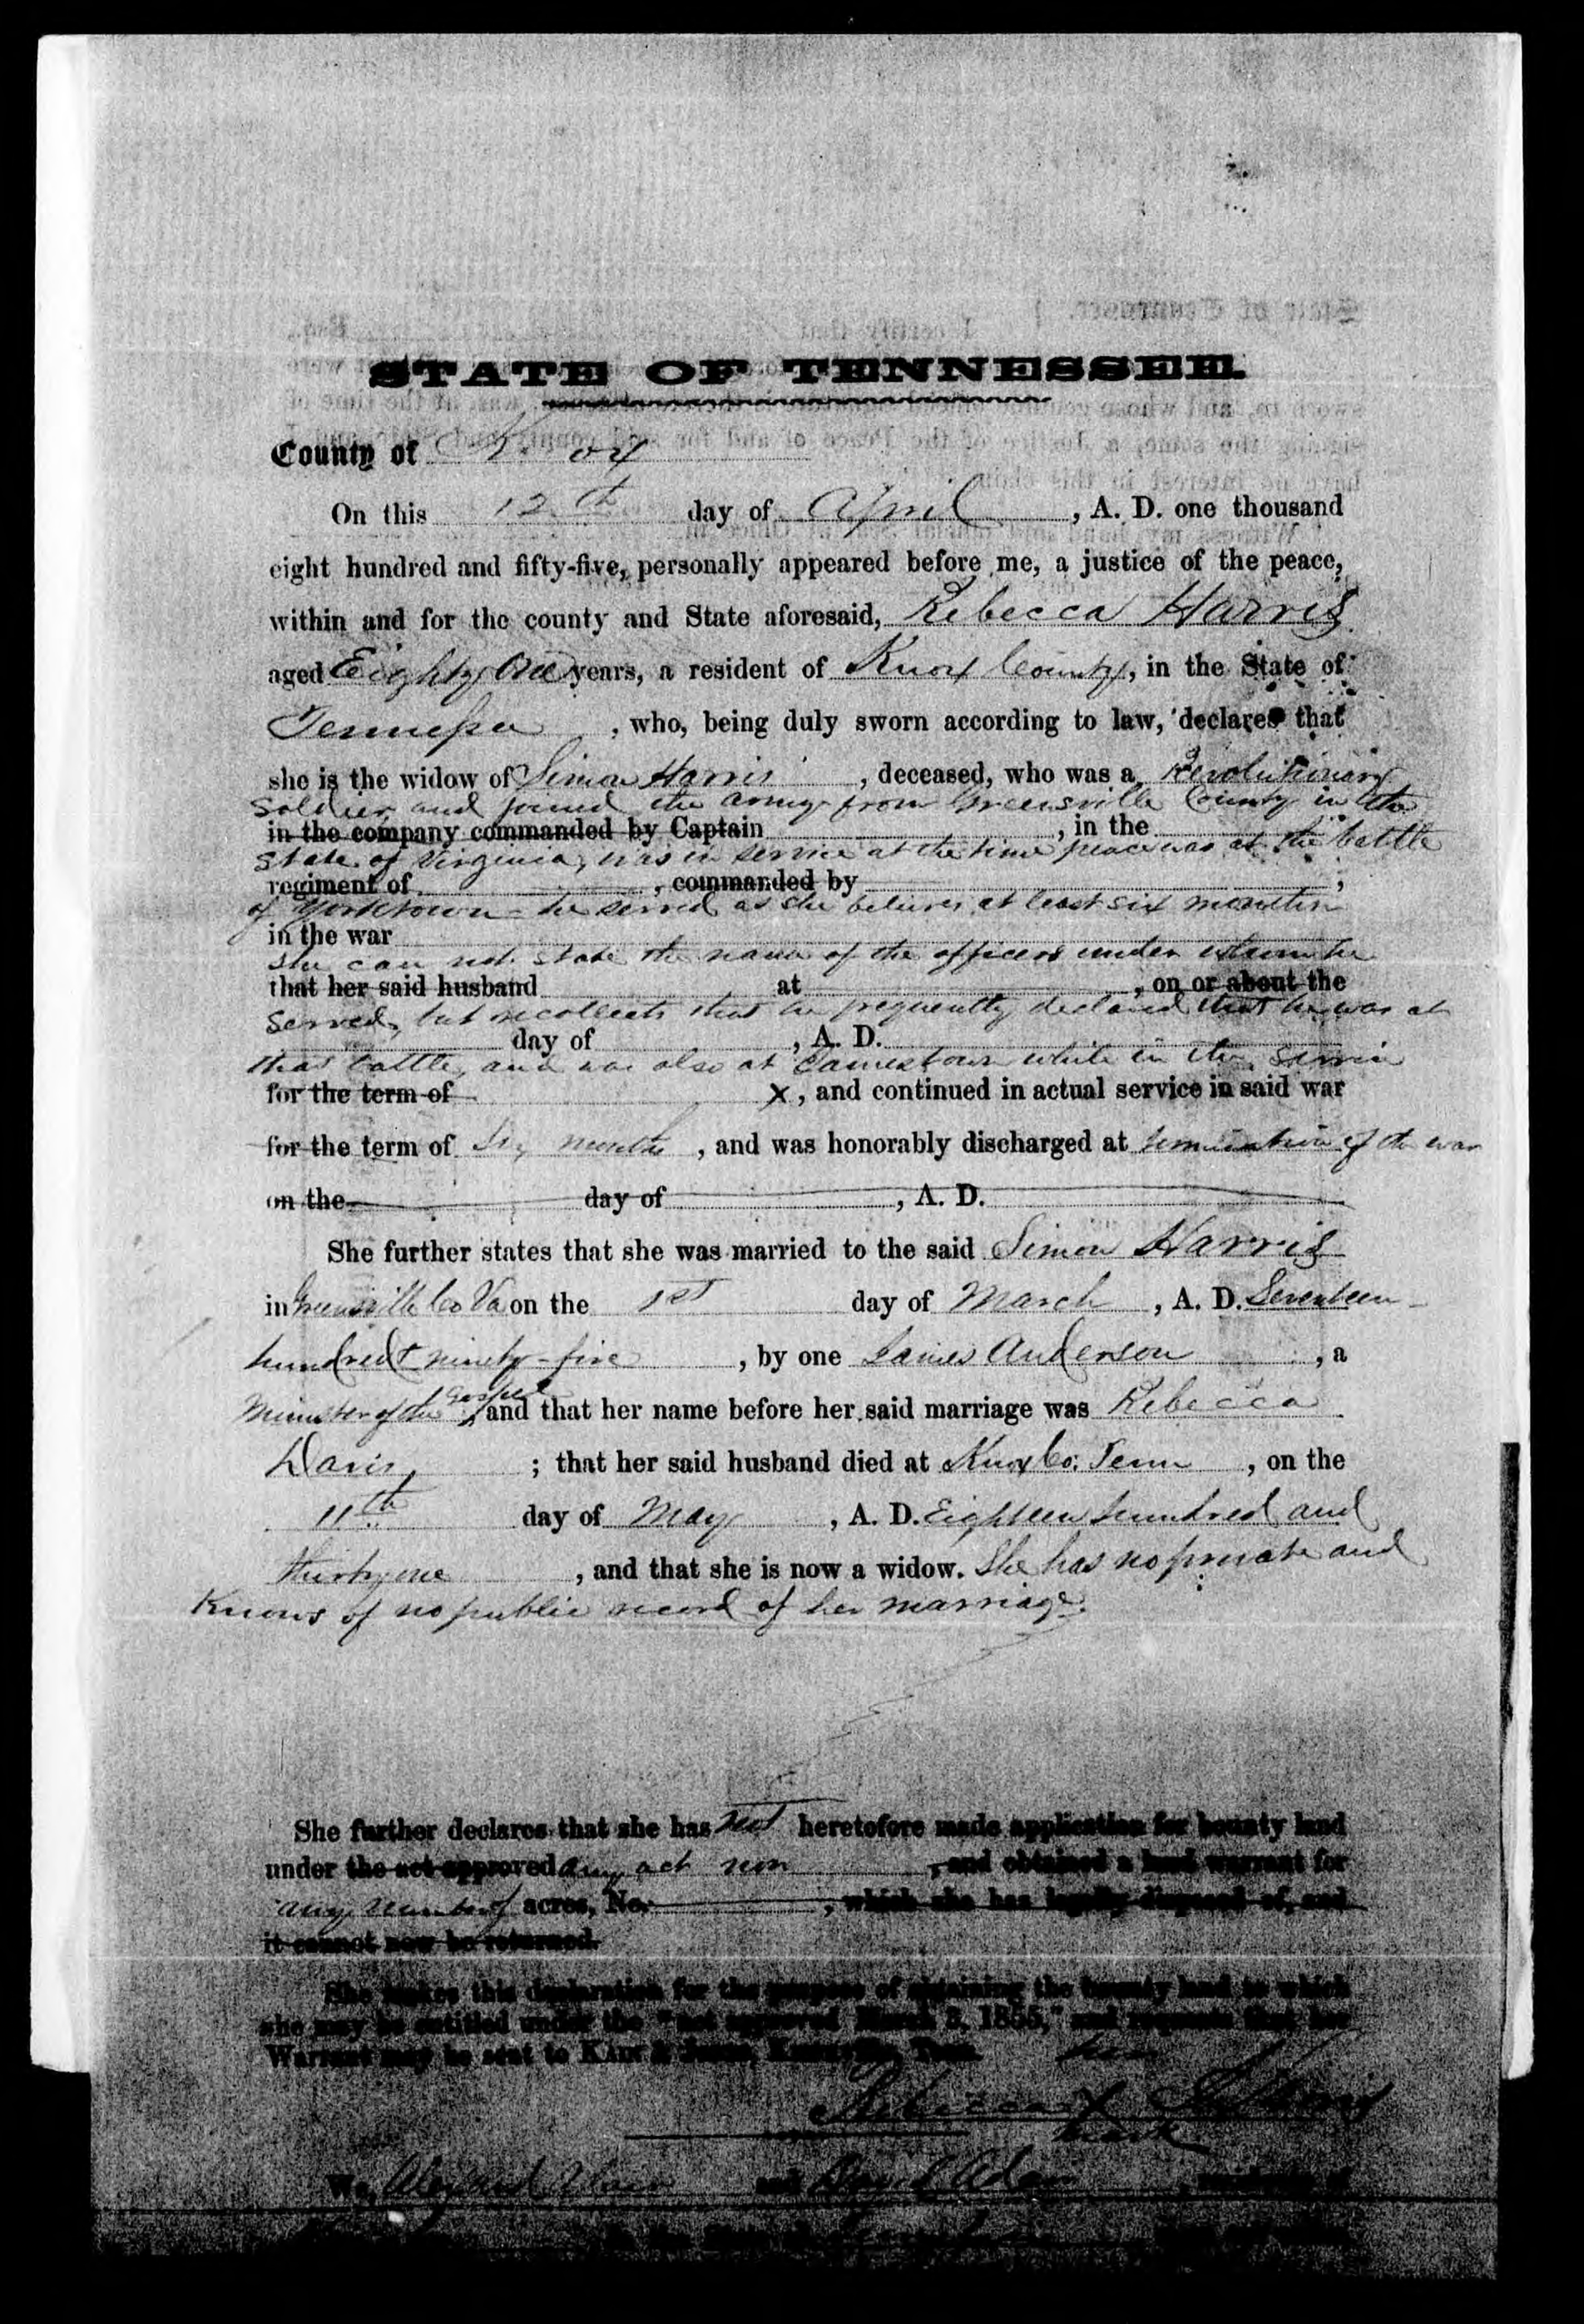STATE OF TENNESSEE

County of Knox

On this 12th day of April, A.D. one thousand eight hundred and fifty-five, personally appeared before me, a jutice of the pieace, wihin and for the county and State aforesdai, Rebecca Harris, aged eightyone years, a resident of Knox County, in the State of Tennessee, who, being duly sworn according to law, declared the she is the widow of Simon Harris, deceased, who was a Revolutionary soldier, and joined the Army from Greensville county in the (in the company commanded by Captain    , in the      crossed out) State of Virginia, was in service at the time place was at the battle (regiment of      , commanded by       , crossed out) of Yorktown he served as she believes at least six months in the war . She cannot state the names of the officers under whom he (that her said husband     at    , on or about the crossed out) served, but recollects that he frequently declared that he was at (     day of     , A.D.      crossed out) that battle, and was also at Jamestown while in the service (for the term of      S, and continued in actual service in said war      crossed out) s, and continued in actual service in said war for the term of six months, and was honorably discharged at termination of the war (on the     day of     , A.D. crossed out)

She further states that she was married to the said Simon Harris in Greensville Co. Va. on the 1st day of March, A.D. Seventeen hundred ninety-five, by one James Anderson, a Minister of the Gospel, and that her name before her said marriage was Rebecca Davis; that her said husband died at Knox Co., Tenn, on the 11th day of May, A.D. Eighteen hundred and thrity one, and that she is now a widow. She has no proof and knows of no public record of her marriage. 

She further declares that she has not heretofore made application for bounty land under (the act approved crossed out) army act [illegible], and obtained a land warrant for any sections of acres, (No. which she had legally disposed of and it cannot now be returned. crossed out)

She makes this declaration for the purpose of obtaining the bounty land to which she may be intitled under the "act approved March 3, 1855" and requests that her Warrant may be sent to Kain & Jones, Knoxville, Tenn.
             her
Rebecca  X  Harris
            mark

We, Alexander Adair and David Adair
[illegible]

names: David Adair, Rebecca Davis, Rebecca Harris, James Anderson, Simon Harris, Simon Harris, Rebecca Harris, Alexand Adair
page: 8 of 24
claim: rejected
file: R. 4684, Simon Harris, Va.